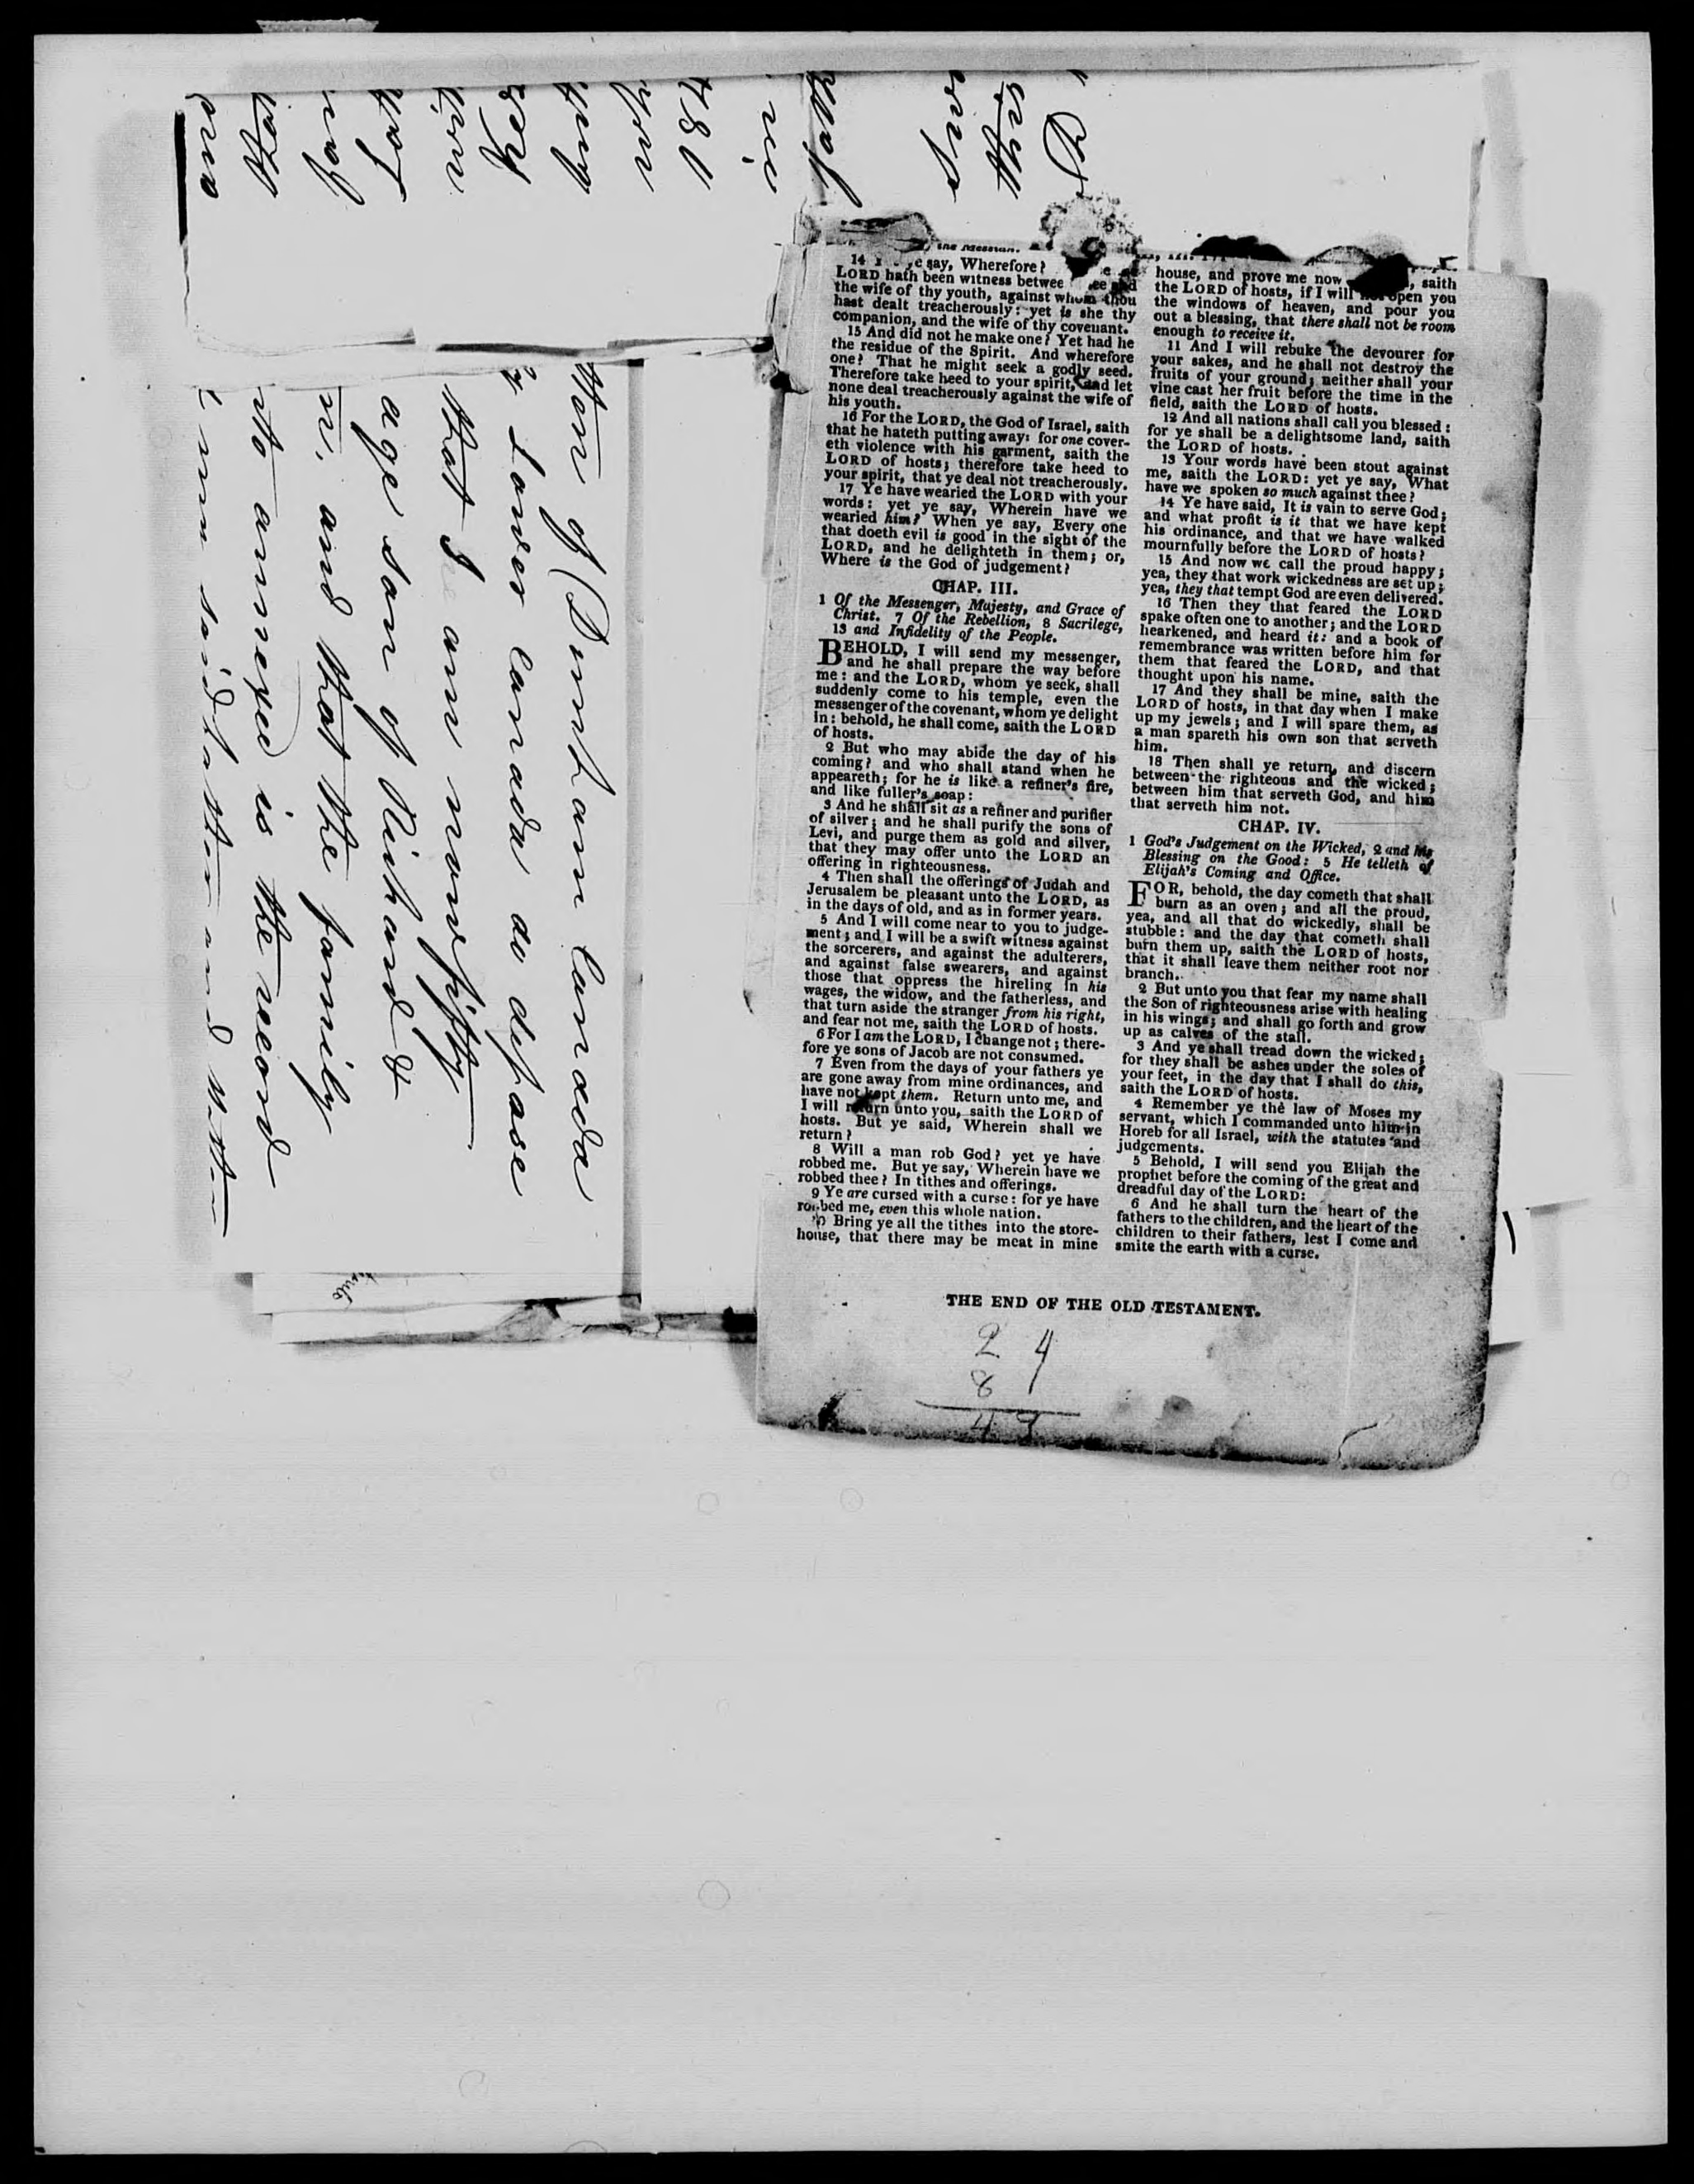{Bible page -presumably reverse of page where births were recorded]
14 Yet ye say, Wherefore? Because the Lord hath been witness between thee and the wife of thy youth, against whom thou hast dealt treacherously: yet is she thy companion, and the wife of thy covenant.
15 And did not he make one? Yet had he the residue of the spirit. And wherefore one? That he might seek a godly seed. Therefore take heed to your spirit, and let none deal treacherously against the wife of his youth.
16 For the Lord, the God of Israel, saith that he hateth putting away: for one covereth violence with his garment, saith the Lord of hosts: therefore take heed to your spirit, that ye deal not treacherously.
17 Ye have wearied the Lord with your words. Yet ye say, Wherein have we wearied him? When ye say, Every one that doeth evil is good in the sight of the Lord, and he delighteth in them; or, Where is the God of judgment?
CHAP. III.
1 Of the Messenger, Majesty, and Grace of Christ. 7 Of the Rebellion. 8 Sacrilege, 13 and Infidelity of the People. 


Behold, I will send my messenger, and he shall prepare the way before me: and the Lord, whom ye seek, shall suddenly come to his temple, even the messenger of the covenant, whom ye delight in: behold, he shall come, saith the Lord of hosts.
2 But who may abide the day of his coming? and who shall stand when he appeareth? for he is like a refiner's fire, and like fullers' soap:
3 And he shall sit as a refiner and purifier of silver: and he shall purify the sons of Levi, and purge them as gold and silver, that they may offer unto the Lord an offering in righteousness.
4 Then shall the offering of Judah and Jerusalem be pleasant unto the Lord, as in the days of old, and as in former years.
5 And I will come near to you to judgment; and I will be a swift witness against the sorcerers, and against the adulterers, and against false swearers, and against those that oppress the hireling in his wages, the widow, and the fatherless, and that turn aside the stranger from his right, and fear not me, saith the Lord of hosts.
6 For I am the Lord, I change not; therefore ye sons of Jacob are not consumed.
7 Even from the days of your fathers ye are gone away from mine ordinances, and have not kept them. Return unto me, and I will return unto you, saith the Lord of hosts. But ye said, Wherein shall we return?
8 Will a man rob God? Yet ye have robbed me. But ye say, Wherein have we robbed thee? In tithes and offerings.
9 Ye are cursed with a curse: for ye have robbed me, even this whole nation.
10 Bring ye all the tithes into the storehouse, that there may be meat in mine house, and prove me now herewith, saith the Lord of hosts, if I will not open you the windows of heaven, and pour you out a blessing, that there shall not be room enough to receive it.
11 And I will rebuke the devourer for your sakes, and he shall not destroy the fruits of your ground; neither shall your vine cast her fruit before the time in the field, saith the Lord of hosts.
12 And all nations shall call you blessed: for ye shall be a delightsome land, saith the Lord of hosts.
13 Your words have been stout against me, saith the Lord. Yet ye say, What have we spoken so much against thee?
14 Ye have said, It is vain to serve God: and what profit is it that we have kept his ordinance, and that we have walked mournfully before the Lord of hosts?
15 And now we call the proud happy; yea, they that work wickedness are set up; yea, they that tempt God are even delivered.
16 Then they that feared the Lord spake often one to another: and the Lord hearkened, and heard it, and a book of remembrance was written before him for them that feared the Lord, and that thought upon his name.
17 And they shall be mine, saith the Lord of hosts, in that day when I make up my jewels; and I will spare them, as a man spareth his own son that serveth him.
18 Then shall ye return, and discern between the righteous and the wicked, between him that serveth God and him that serveth him not.
CHAP. IV.
1 God’s Judgement on the Wicked, 2 and his Blessing on hte Good; 5 He telleth of Elijah’s Coming and Office.
For, behold, the day cometh, that shall burn as an oven; and all the proud, yea, and all that do wickedly, shall be stubble: and the day that cometh shall burn them up, saith the Lord of hosts, that it shall leave them neither root nor branch.
2 But unto you that fear my name shall the Sun of righteousness arise with healing in his wings; and ye shall go forth, and grow up as calves of the stall.
3 And ye shall tread down the wicked; for they shall be ashes under the soles of your feet in the day that I shall do this, saith the Lord of hosts.
4 Remember ye the law of Moses my servant, which I commanded unto him in Horeb for all Israel, with the statutes and judgments.
5 Behold, I will send you Elijah the prophet before the coming of the great and dreadful day of the Lord:
6 And he shall turn the heart of the fathers to the children, and the heart of the children to their fathers, lest I come and smite the earth with a curse.
THE END OF THE OLD TESTAMENT

[2  handwritten text fragments  are NOT transcribed here, but may be found transcribed in full in the deposition of John Lattin.]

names: Jerusalem [BLANK]; Moses [BLANK]; Elijah [BLANK]; Judah [BLANK]; Richard [BLANK]; Jacob [BLANK]; Israel [BLANK]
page: 24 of 99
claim: widow's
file: W. 24,482, for Richard Lattin, Vermont